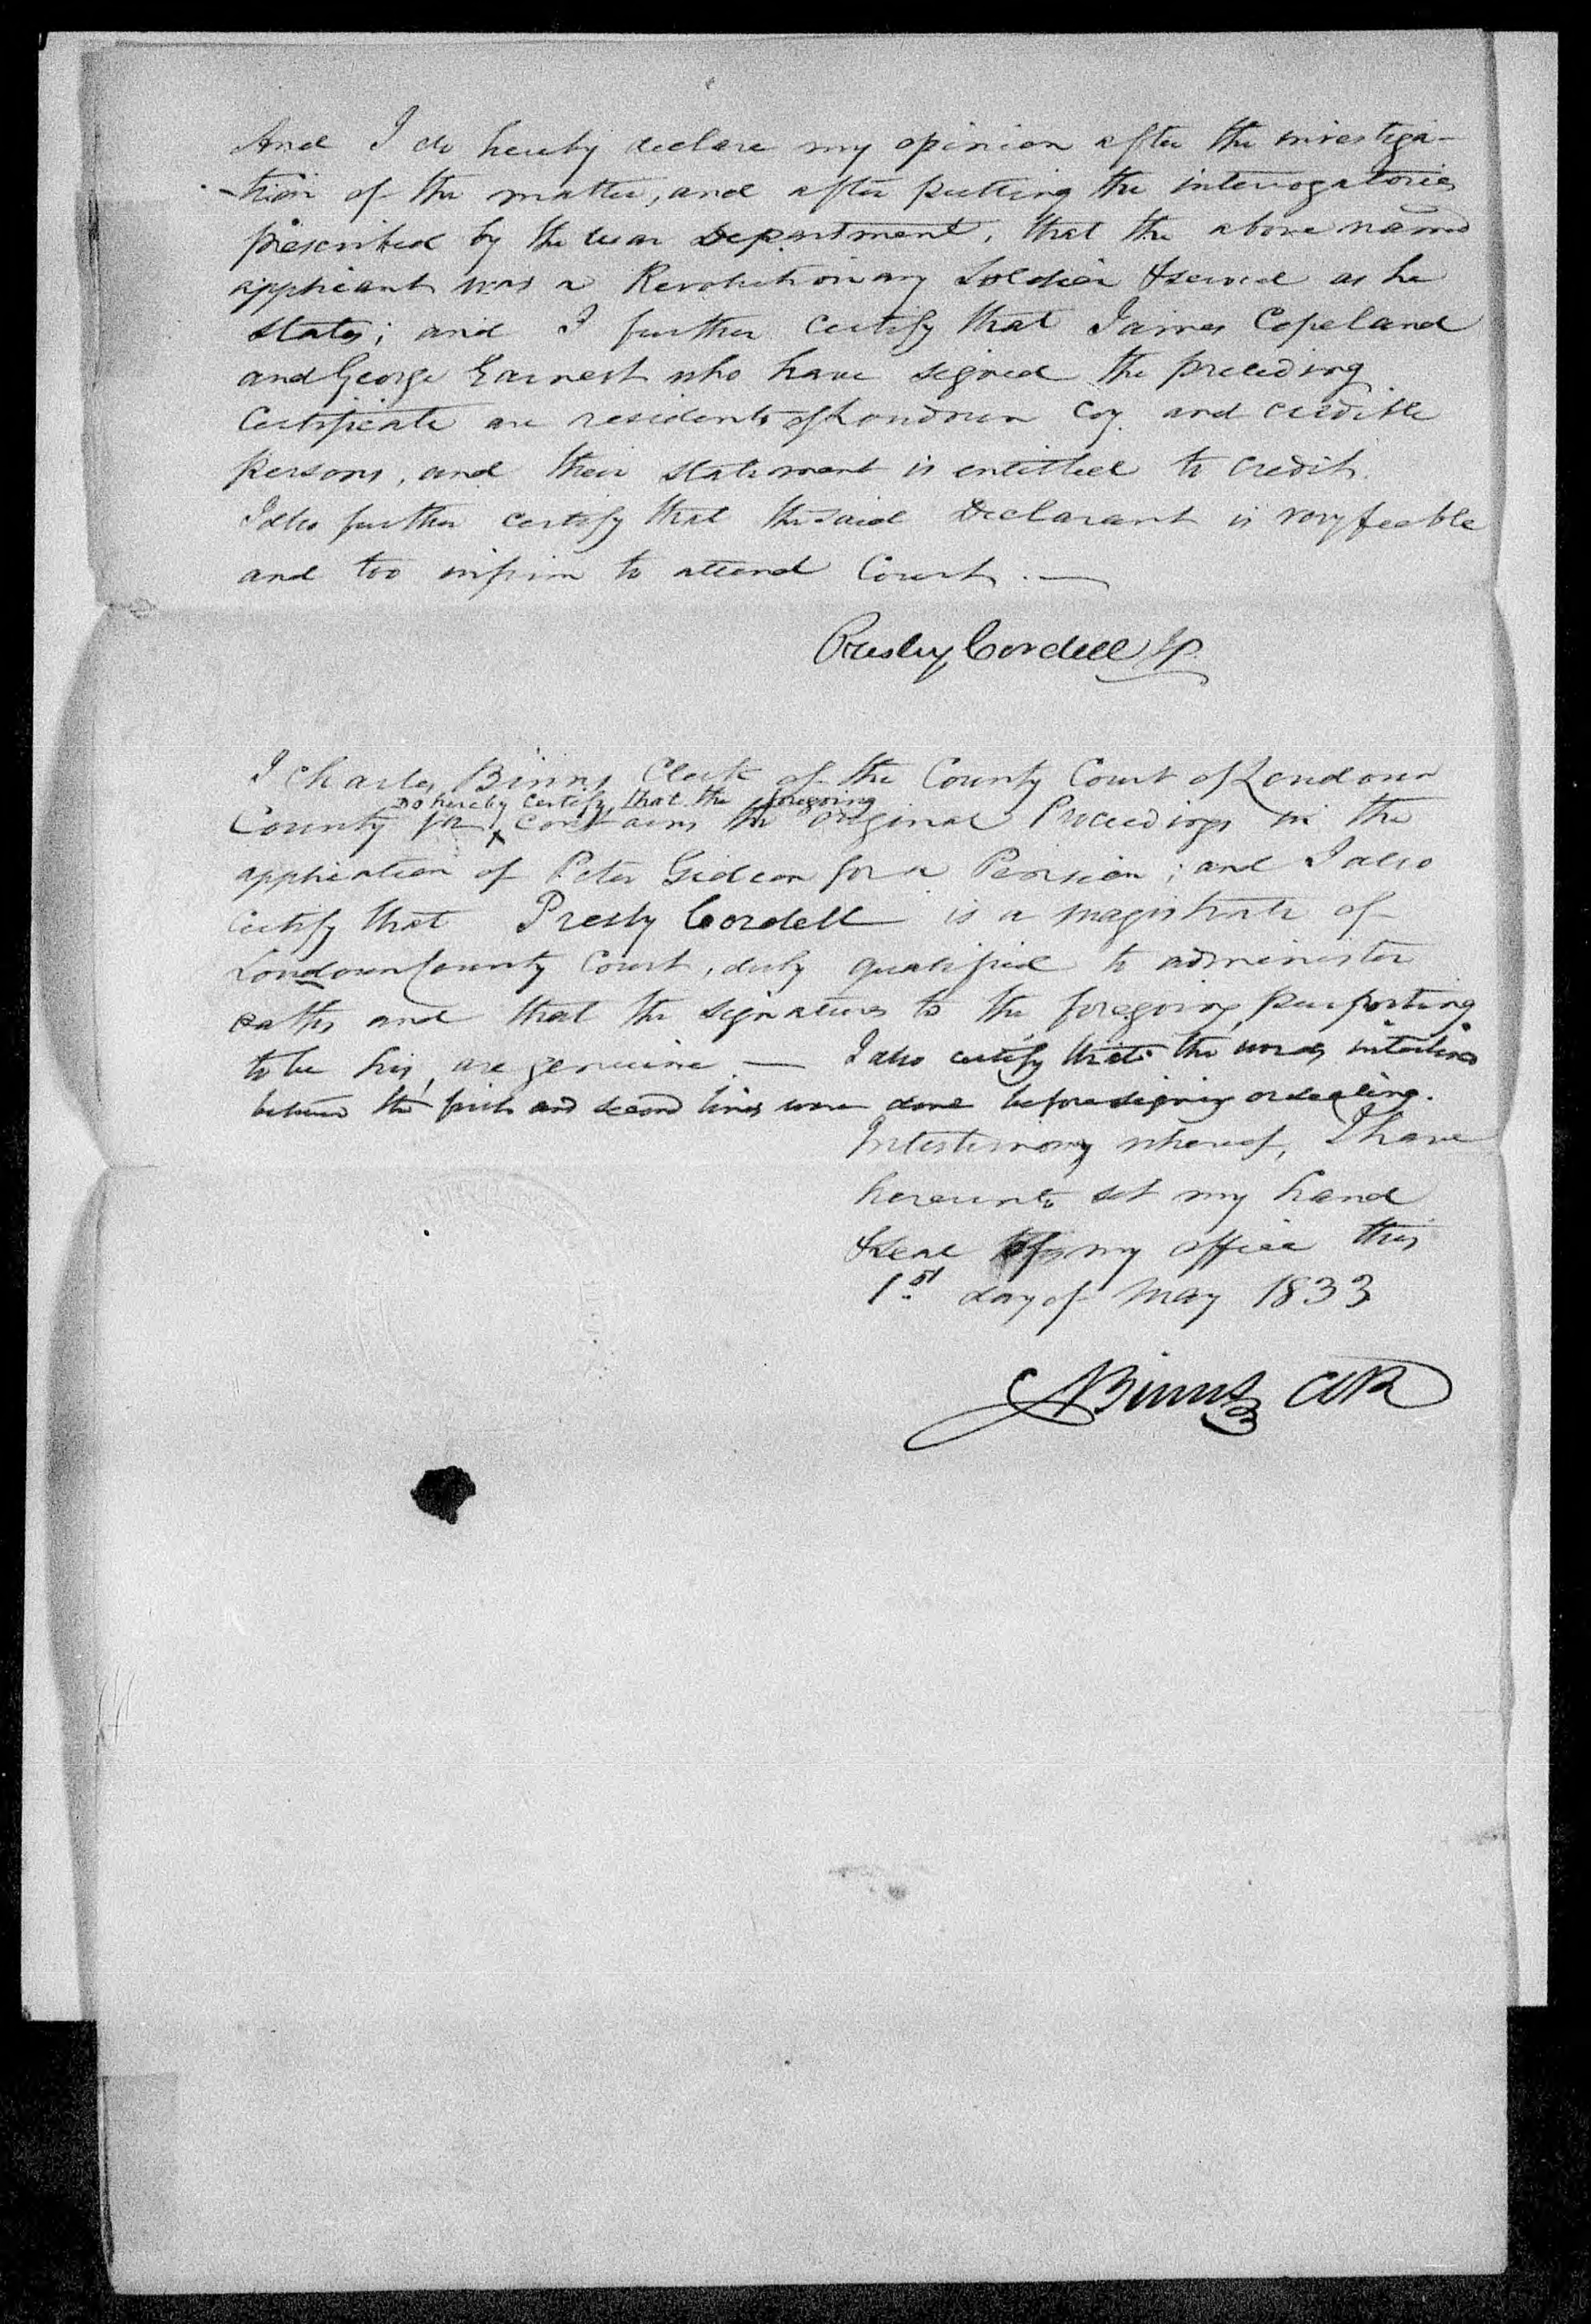And I do hereby declare my opinion after the investiga
tion of the matter, and after putting the interrogatories,
prescribed by the War Department, that the above named
applicant was a Revolutionary soldier & served as he
states; and I further certify that James Copeland
and George Earnest who have signed the preceding
certificate are residents of Loudoun Coty. and credible
persons, and their statement is entitled to credit.
I do further certify that the said Declarant is very feeble
and too infirm to attend Court.
Presley Cordell. JP

I Charles Binns Clerk of the County Court of Loudoun
County Va. do hereby certify that the foregoing contains the original proceedings in the
application of Peter Gideon for a pension; and I also
certify that Presley Cordell is a magistrate of
Loudoun County Court, duly qualified to administer
oaths and that the signatures to the foregoing purporting
to be his, are genuine.  I also certify that the words interlined
between the first and second lines were done before signing or sealing.
[Blurred seal of office] In testimony whereof, I have
hereunto set my hand
& seal of my office this
1st day of May 1833
C Binns Clk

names: Peter Gideon, Presley Cordell, Charles Binns, C Binns, James Copeland, Presly Cordell, George Earnest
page: 8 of 64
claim: survivor's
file: S. 6887, Peter Gideon, Md.